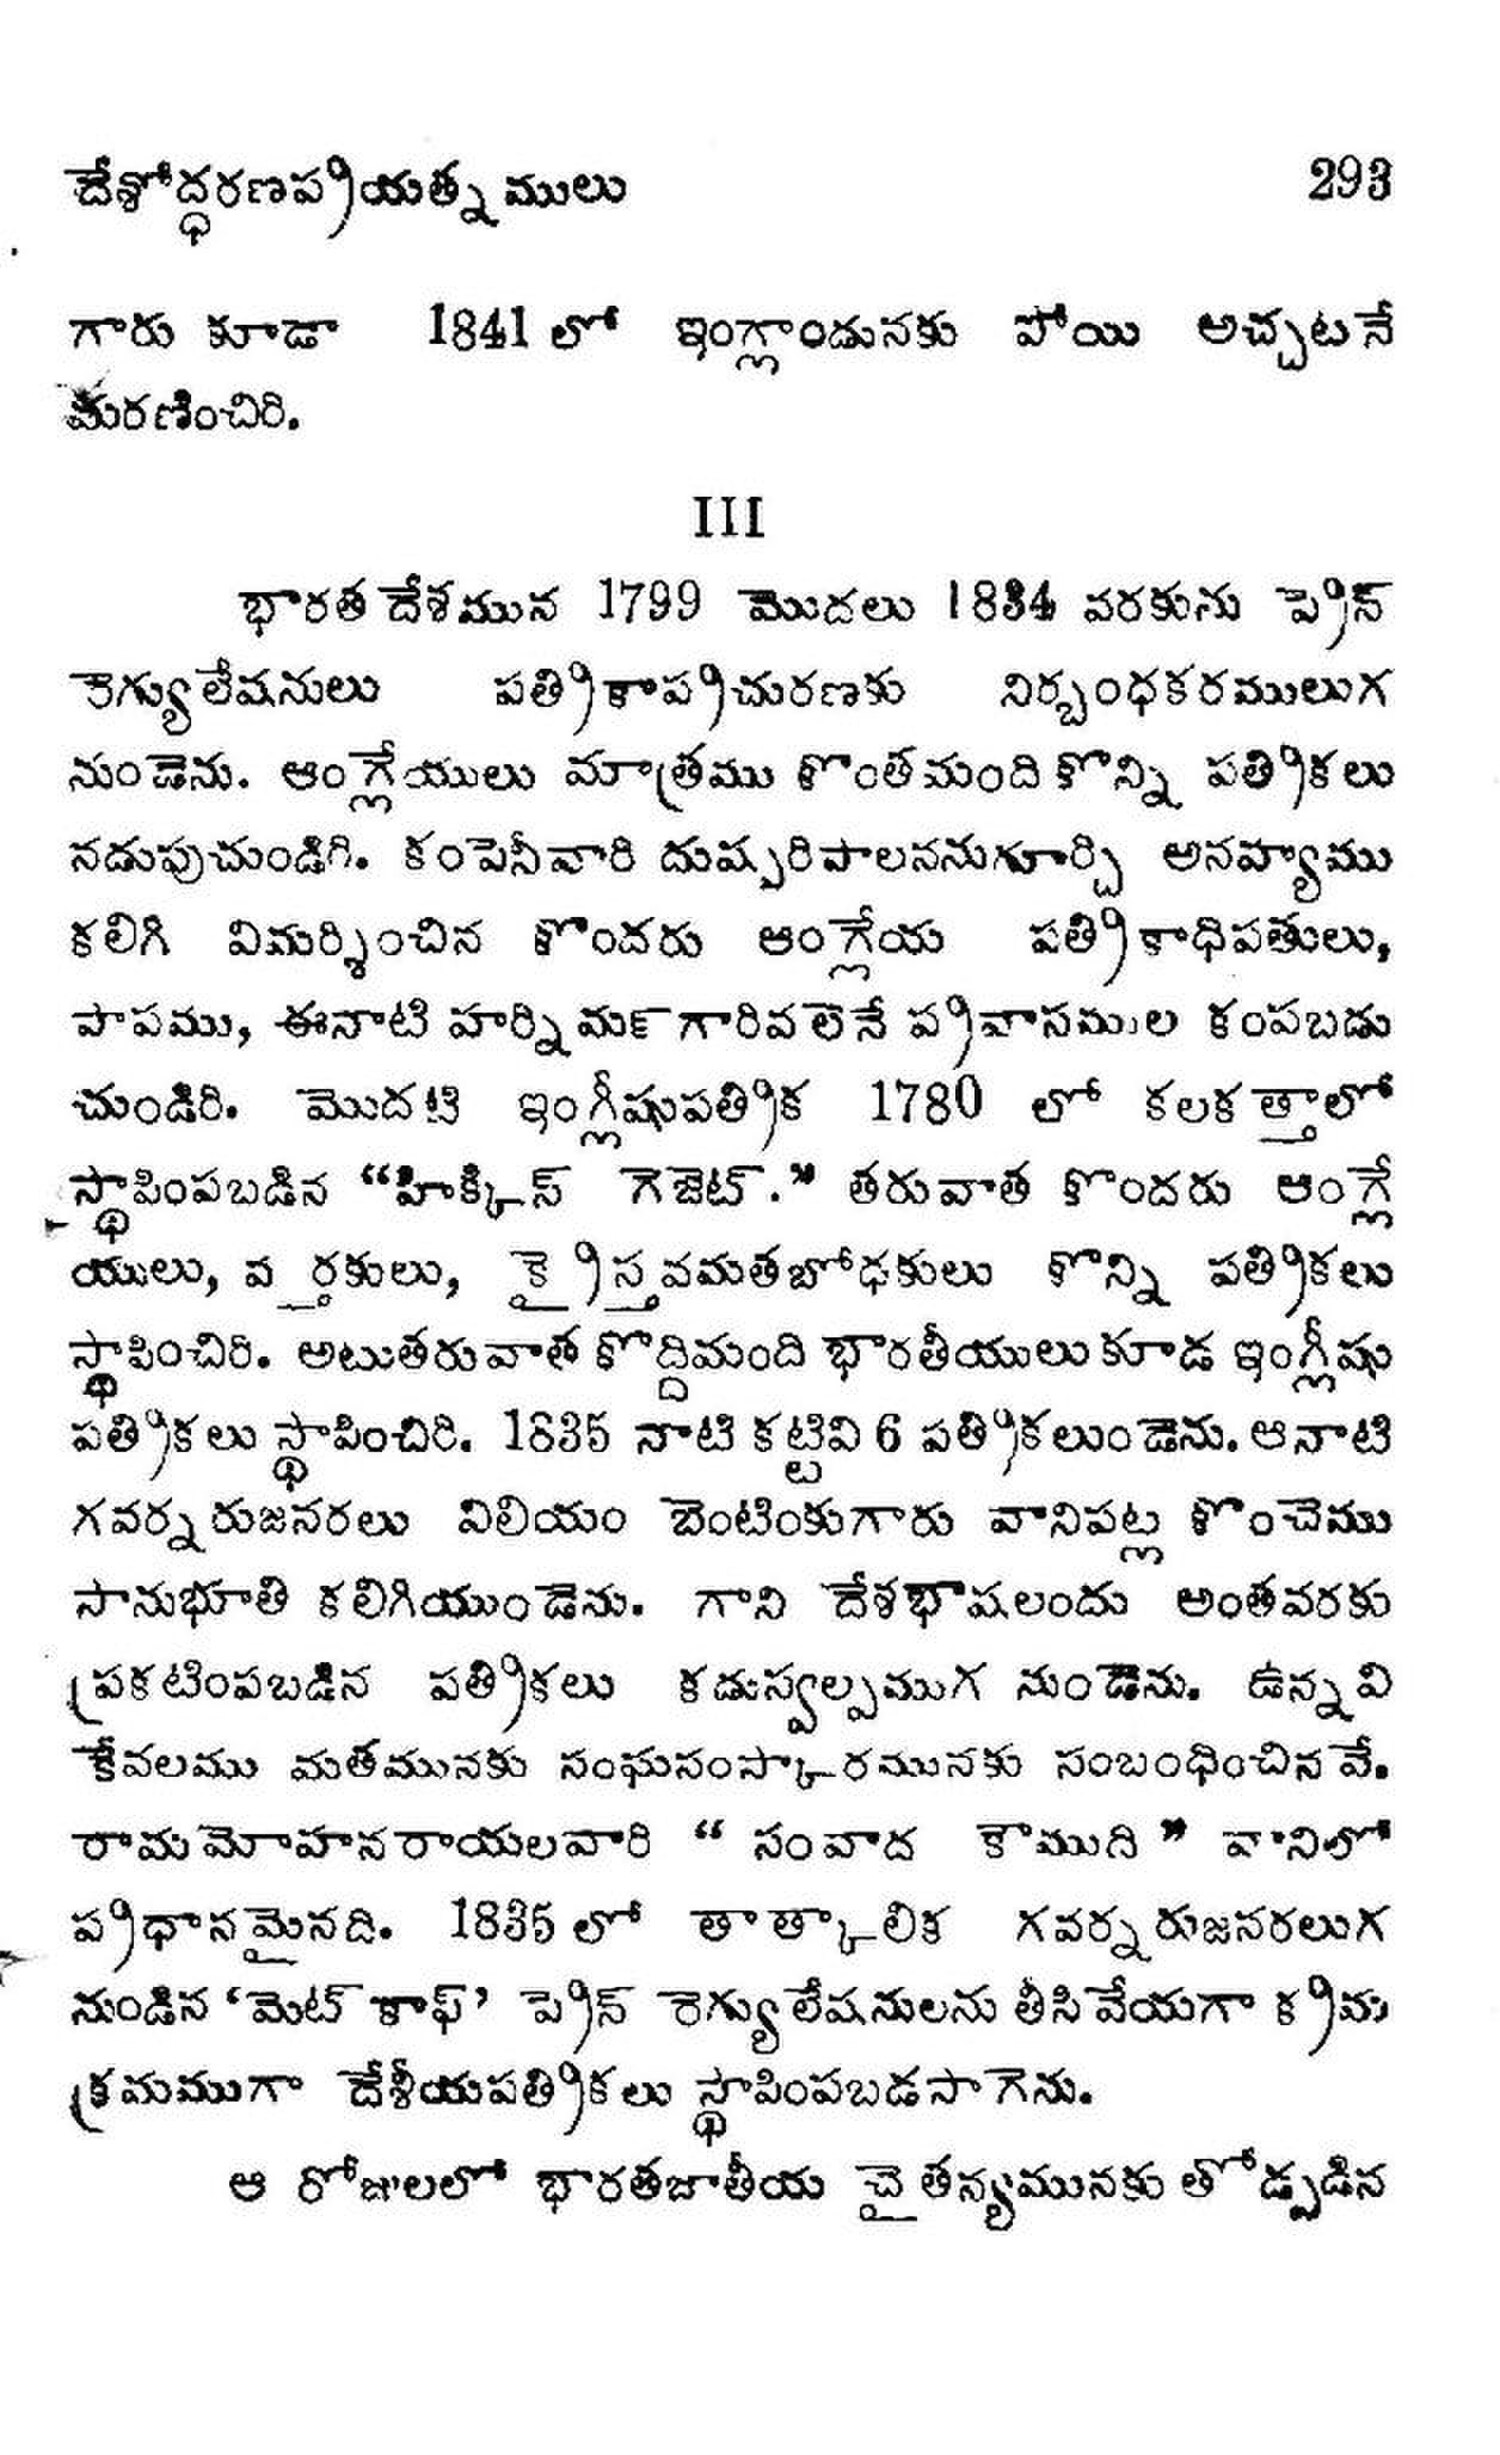గారు కూడా 1841 లో ఇంగ్లాండునకు పోయి అచ్చటనే మరణించిరి.

III

భారతదేశమున 1799 మొదలు 1834 వరకును ప్రెస్ రెగ్యులేషనులు పత్రికాప్రచురణకు నిర్బంధకరములుగ నుండెను. ఆంగ్లేయులు మాత్రము కొంతమంది కొన్ని పత్రికలు నడుపుచుండిరి. కంపెనీవారి దుష్పరిపాలననుగూర్చి అనహ్యము కలిగి విమర్శించిన కొందరు ఆంగ్లేయ పత్రికాధిపతులు, పాపము, ఈనాటి హర్నిమ౯ గారివలెనే ప్రవాసముల కంపబడు చుండిరి. మొదటి ఇంగ్లీషుపత్రిక 1780 లో కలకత్తాలో స్థాపింపబడిన "హిక్కిస్ గెజెట్ .” తరువాత కొందరు ఆంగ్లేయులు, వర్తకులు, క్రైస్తవమత బోధకులు కొన్ని పత్రికలు స్థాపించిరి. అటుతరువాత కొద్దిమంది భారతీయులుకూడ ఇంగ్లీషు పత్రికలు స్థాపించిరి. 1835 నాటి కట్టివి 6 పత్రికలుండెను. ఆనాటి గవర్నరుజనరలు విలియం బెంటింకుగారు వానిపట్ల కొంచెము సానుభూతి కలిగియుండెను. గాని దేశభాషలందు అంతవరకు ప్రకటింపబడిన పత్రికలు కడుస్వల్పముగ నుండెను. ఉన్నవి కేవలము మతమునకు సంఘసంస్కారమునకు సంబంధించినవే. రామమోహనరాయలవారి "సంవాద కౌముది " వానిలో ప్రధానమైనది. 1835 లో తాత్కాలిక గవర్నరుజనరలుగ నుండిన 'మెట్ కాఫ్ ” ప్రెస్ రెగ్యులేషనులను తీసి వేయగా క్రమక్రమముగా దేశీయపత్రికలు స్థాపింపబడసాగెను.

ఆ రోజులలో భారతజాతీయ చైతన్యమునకు తోడ్పడిన